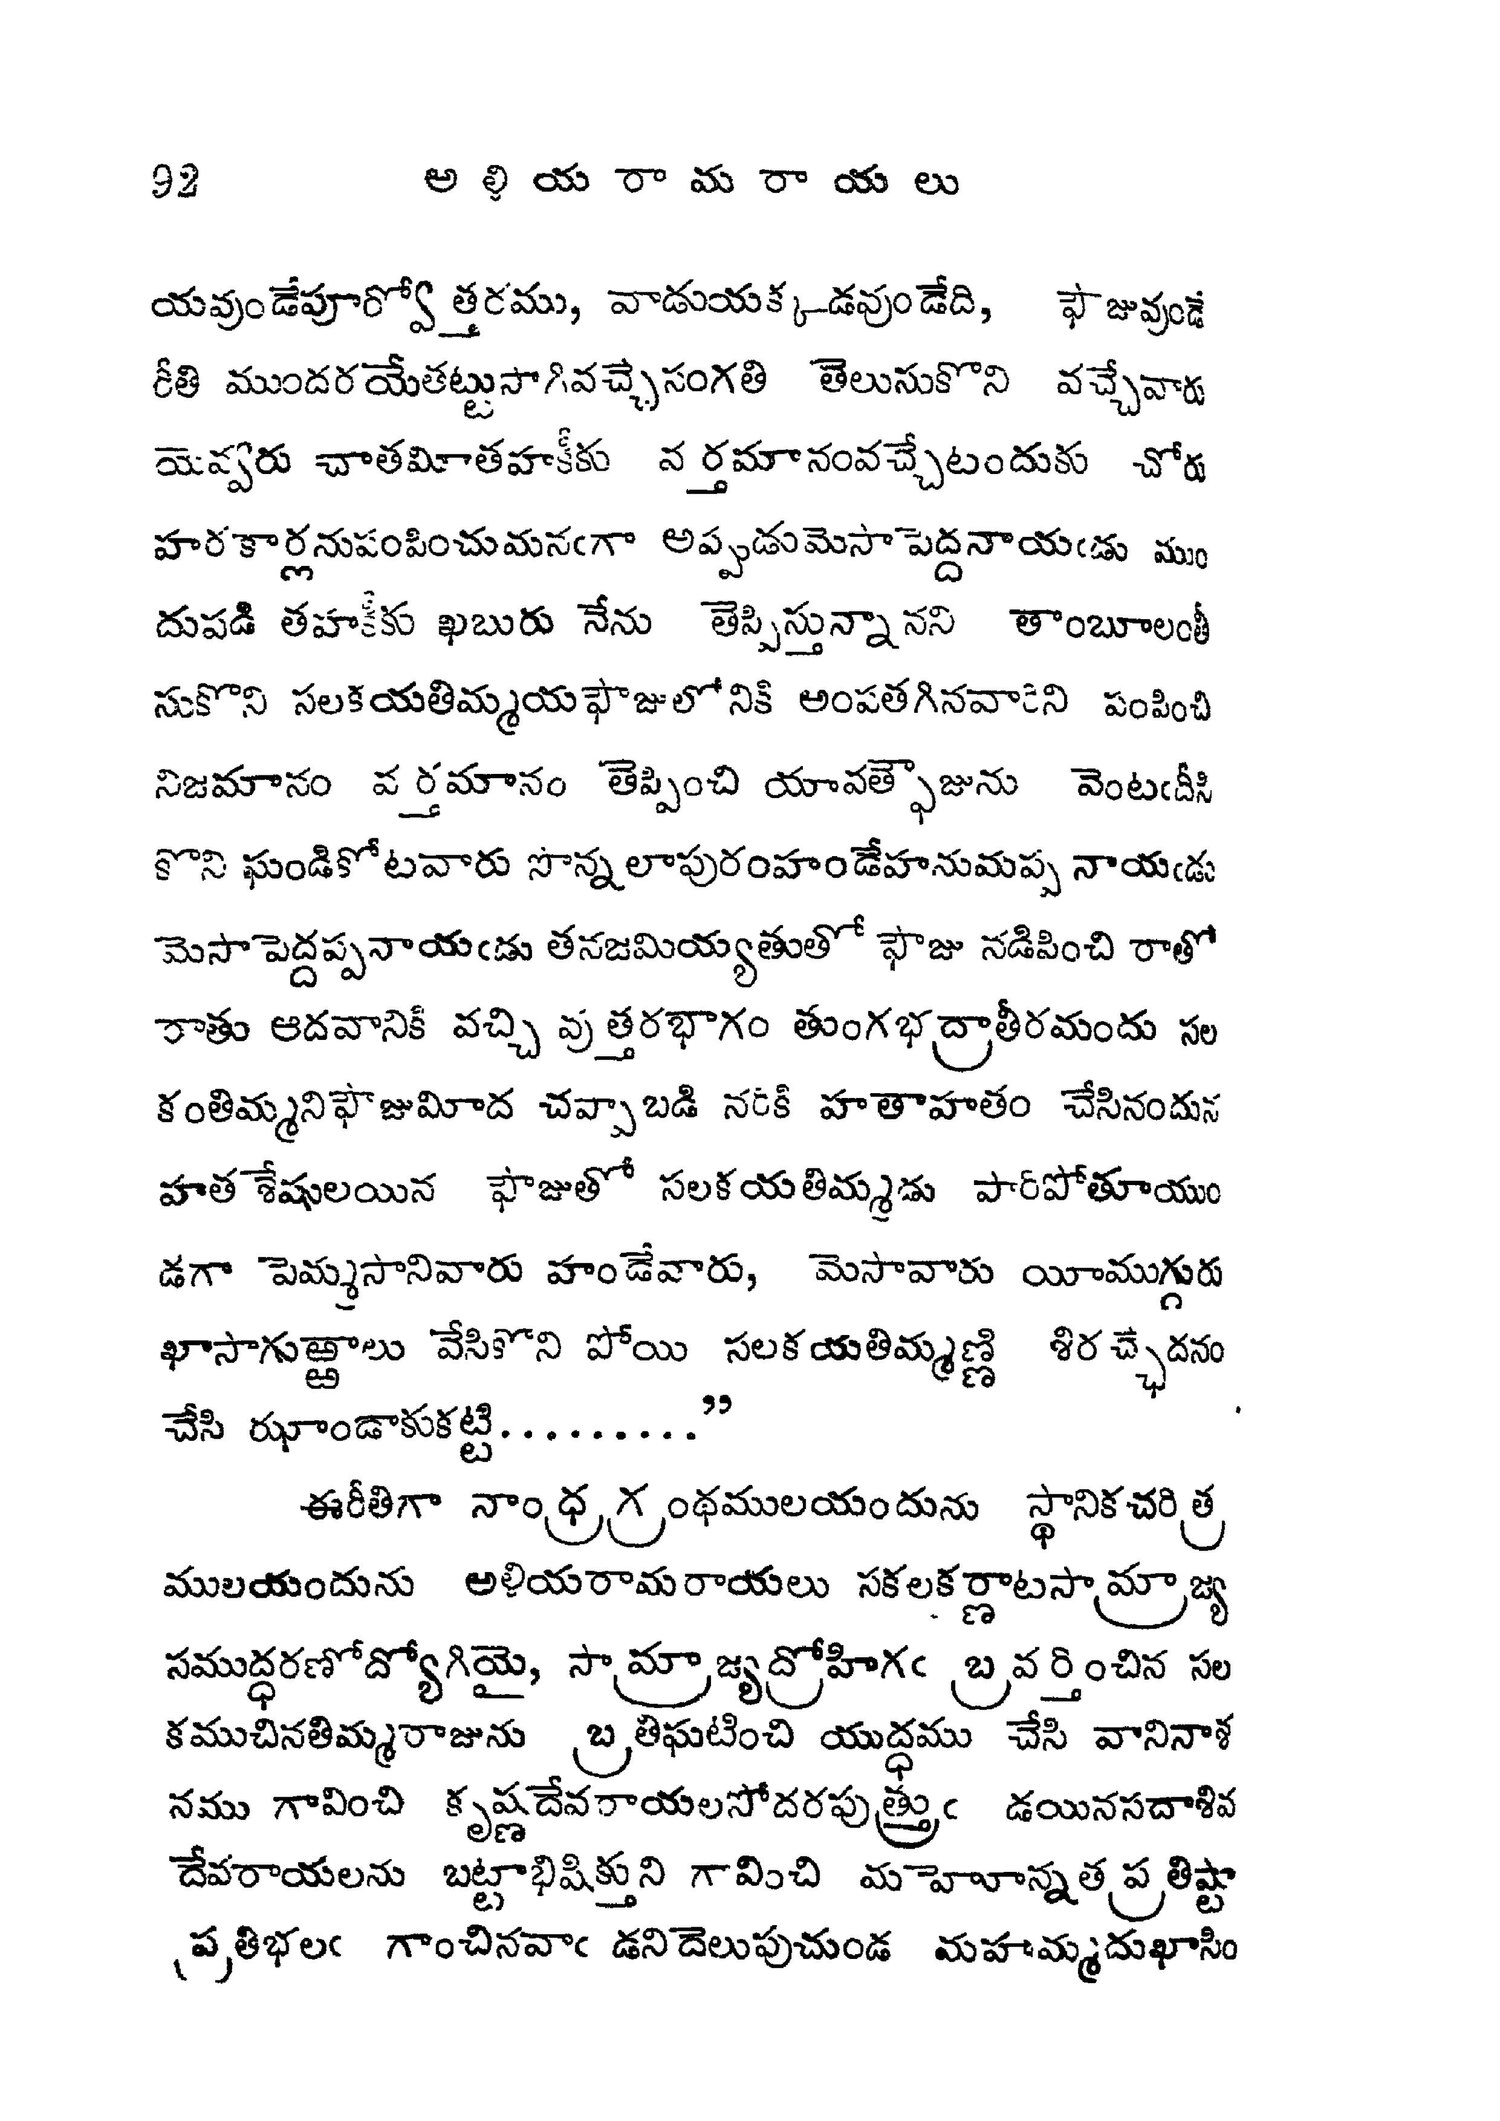యవుండేపూర్వోత్తరము, వాడుయక్కడవుండేది, ఫౌజువుండేరీతి ముందరయేతట్టుసాగివచ్చేసంగతి తెలుసుకొని వచ్చేవారు యెవ్వరు చాతమీతహకీకు వర్తమానం వచ్చేటందుకు చోరు హరకార్లనుపంపించుమనగా అప్పుడు మెసాపెద్దనాయడు ముందుపడి తహకీకు ఖబురు నేను తెప్పిస్తున్నానని తాంబూలంతీసుకొని సలకయతిమ్మయఫౌజులోనికి అంపతగినవారిని పంపించి నిజమానం వర్తమానం తెప్పించి యావత్ఫౌజును వెంటదీసికొని ఘండికోటవారు సొన్నలాపురం హండేహనుమప్ప నాయడు మెసాపెద్దప్పనాయడు తనజమియ్యతుతో ఫౌజు నడిపించి రాతో రాతు ఆదవానికి వచ్చి వుత్తరభాగం తుంగభద్రాతీరమందు సలకంతిమ్మనిఫౌజుమీద చప్పాబడి నరికి హతాహతం చేసినందున హతశేషులయిన ఫౌజుతో సలకయతిమ్మడు పారిపోతూయుండగా పెమ్మసానివారు హండేవారు, మెసావారు యీముగ్గురు ఖాసాగుఱ్ఱాలు వేసికొని పోయి సలకయతిమ్మణ్ణి శిరచ్ఛేదనం చేసి ఝాండాకుకట్టి.........."

ఈరీతిగా నాంధ్రగ్రంథములయందును స్థానికచరిత్రములయందును అళియరామరాయలు సకలకర్ణాటసామ్రాజ్య సముద్ధరణోద్యోగియై, సామ్రాజ్యద్రోహిగ బ్రవర్తించిన సలకముచినతిమ్మరాజును బ్రతిఘటించి యుద్ధము చేసి వానినాశనము గావించి కృష్ణదేవరాయలసోదరపుత్త్రు డయినసదాశివదేవరాయలను బట్టాభిషిక్తుని గావించి మహోన్నత ప్రతిష్టాప్రతిభల గాంచినవా డనిదెలుపుచుండ మహమ్మదుఖాసిం